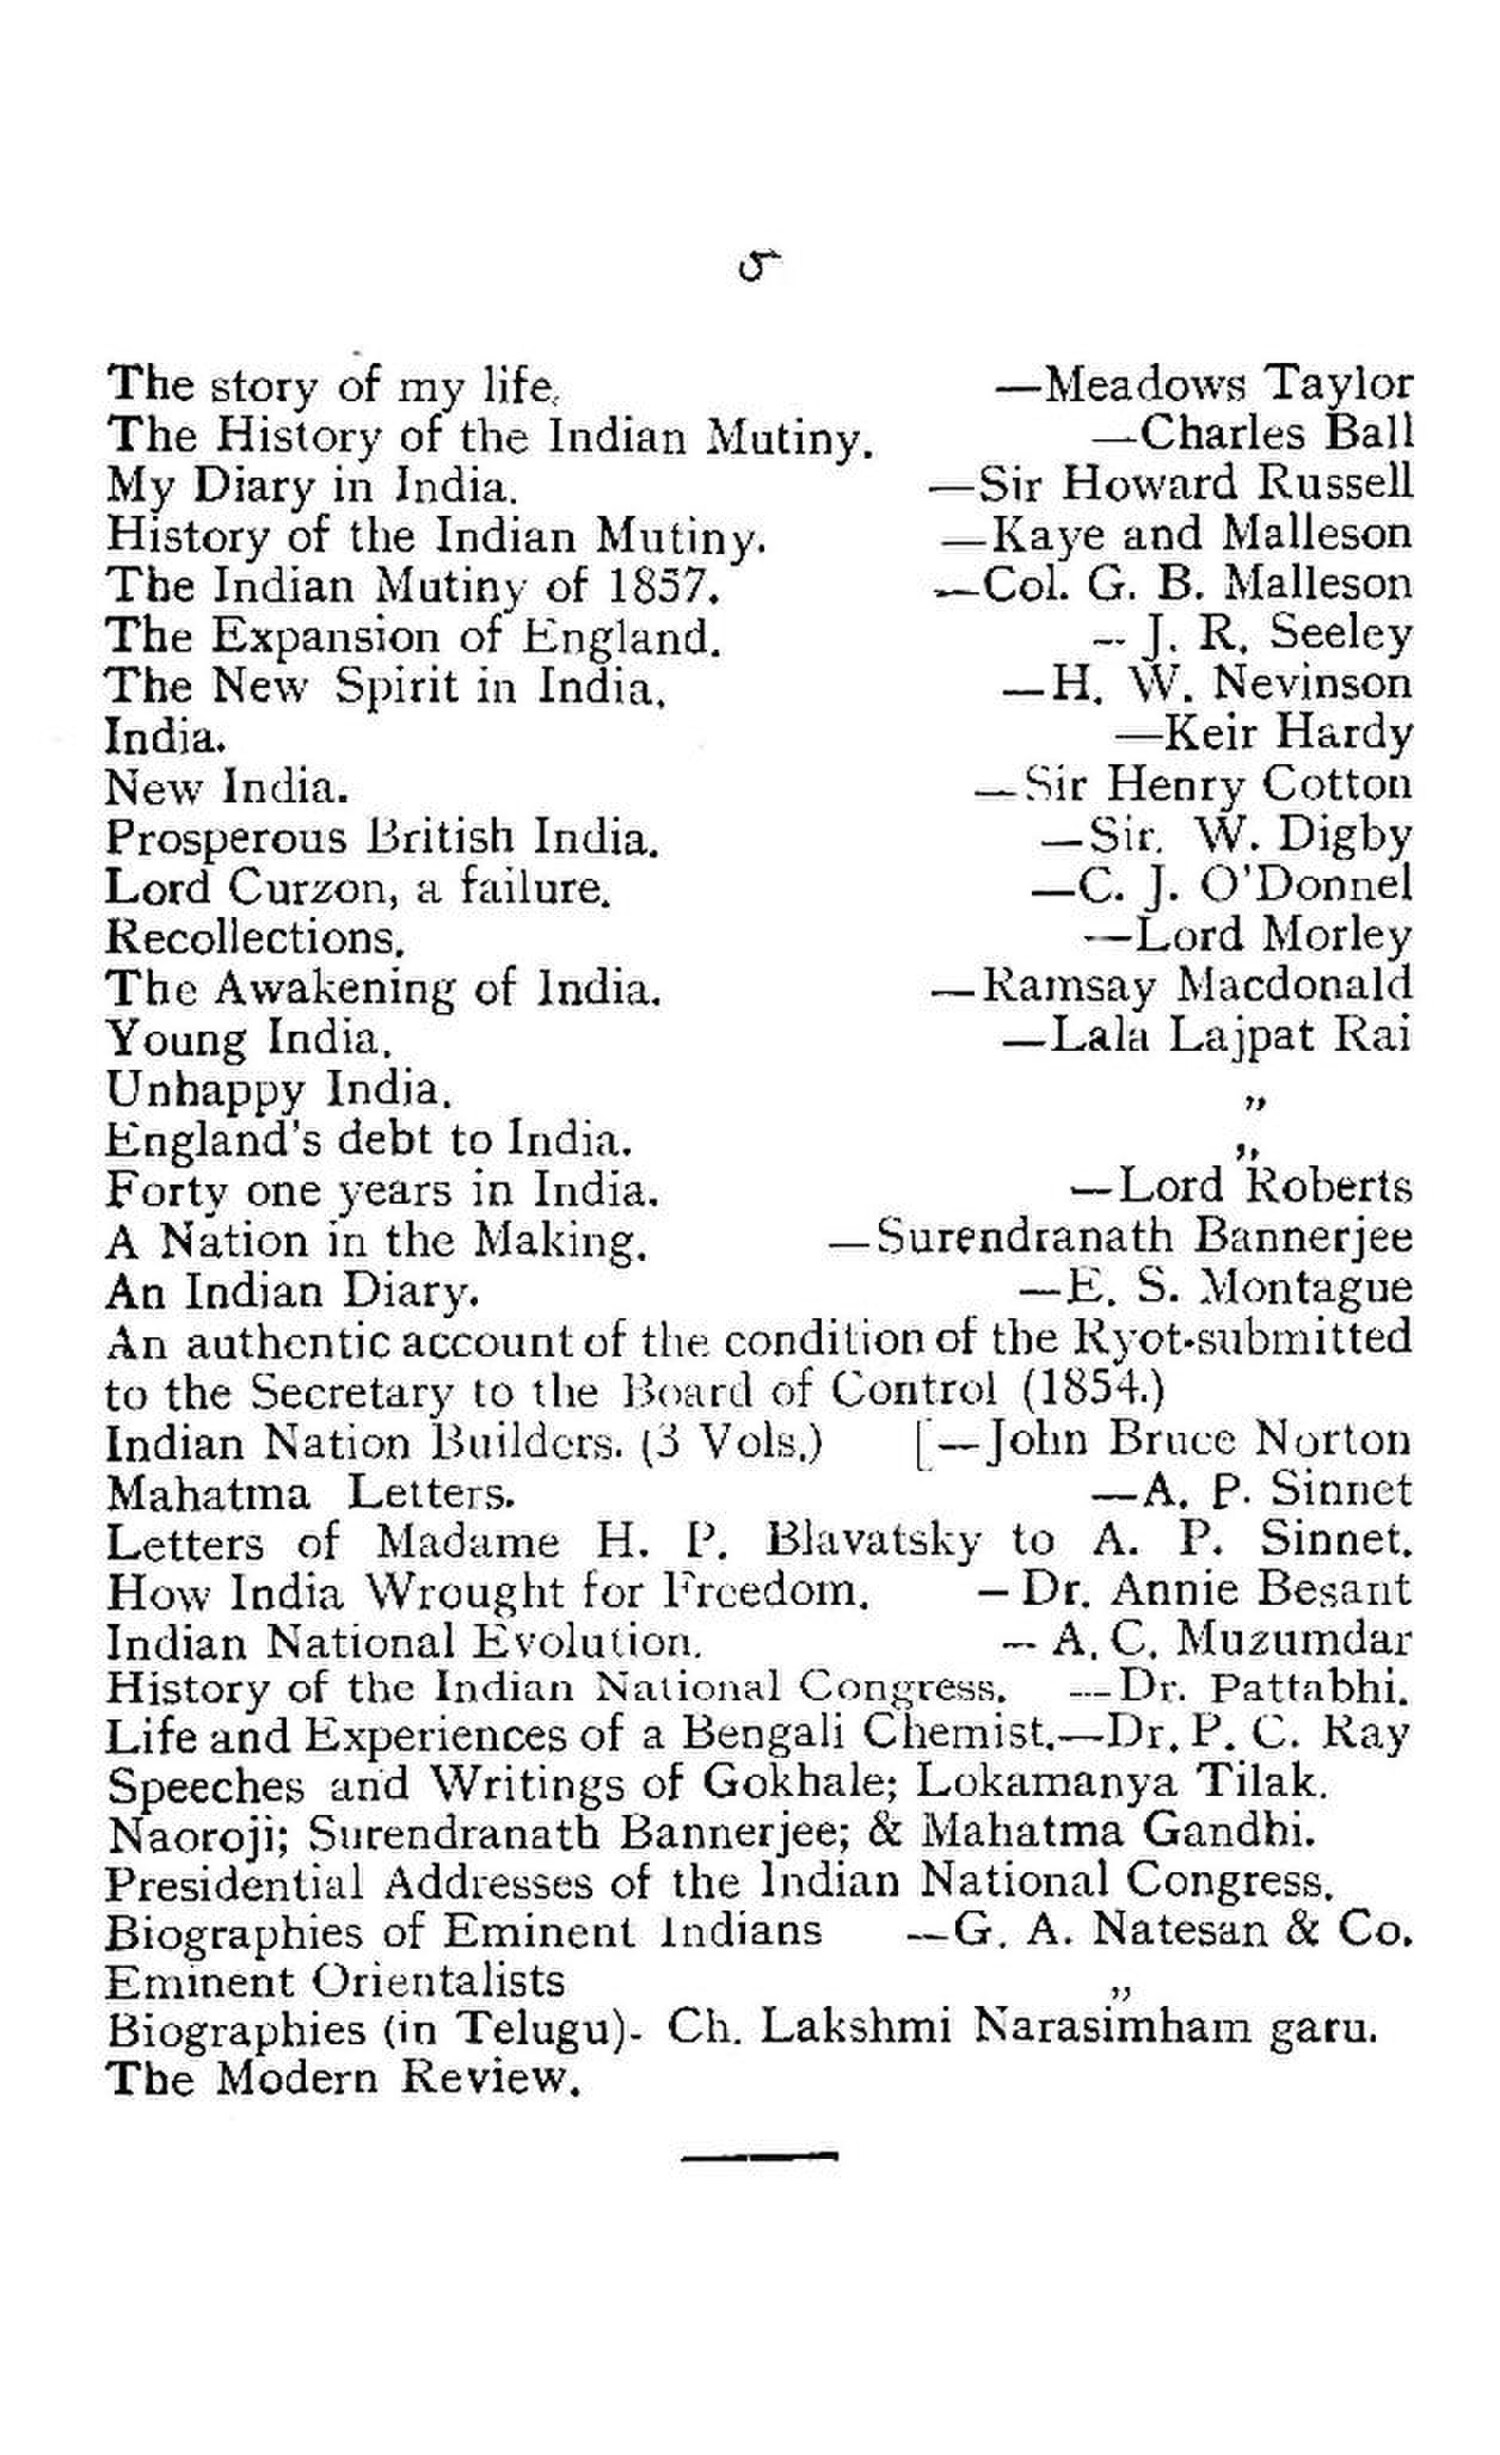The story of my life, -Meadows Taylor 

The History of the Indian Mutiny. -Charles Ball 

My Diary in India. -Sir Howard Russell 

History of the Indian Mutiny. -Kaye and Malleson 

The Indian Mutiny of 1857. --Col. G. B. Malleson 

The Expansion of England. - J. R. Seeley 

The New Spirit in India, -H, W. Nevinson 

India. -Keir Hardy 

New India. -Sir Henry Cotton 

Prosperous British India. -Sir. W. Digby 

Lord Curzon, a failure. -C. J. O'Donnel 

Recollections, --Lord Morley 

The Awakening of India. --Ramsay Macdonald 

Young India, -Lala Lajpat Rai 

Unhappy India. "

England's debt to India. "

Forty one years in India. --Lord 'Roberts 

A Nation in the Making. - Surendranath Bannerjee 

An Indian Diary. -E. S. Montague 

An authentic account of the condition of the Ryot-submitted to the Secretary to the Board of Control (1854.) 

Indian Nation Builders. (3 Vols.) 1 - John Bruce Norton 

Mahatma Letters. --A. P. Sinnet 

Letters of Madame H. P. Blavatsky to A. P. Sinnet. 

How India Wrought for l'rcedom. - Dr. Annie Besant 

Indian National Evolution - A, C, Muzumdar 

History of the Indian National Congress. --Dr. Pattabhi. 

Life and Experiences of a Bengali Chemist.--Dr.P.C. Ray 

Speeches and Writings of Gokhale; Lokamanya Tilak. Naoroji; Surendranath Bannerjee; & Mahatma Gandhi. Presidential Addresses of the Indian National Congress. Biographies of Eminent Indians --G. A. Natesan & Co. 

Eminent Orientalists "

Biographies in Telugu). Ch. Lakshmi Narasimham garu. 

The Modern Review.